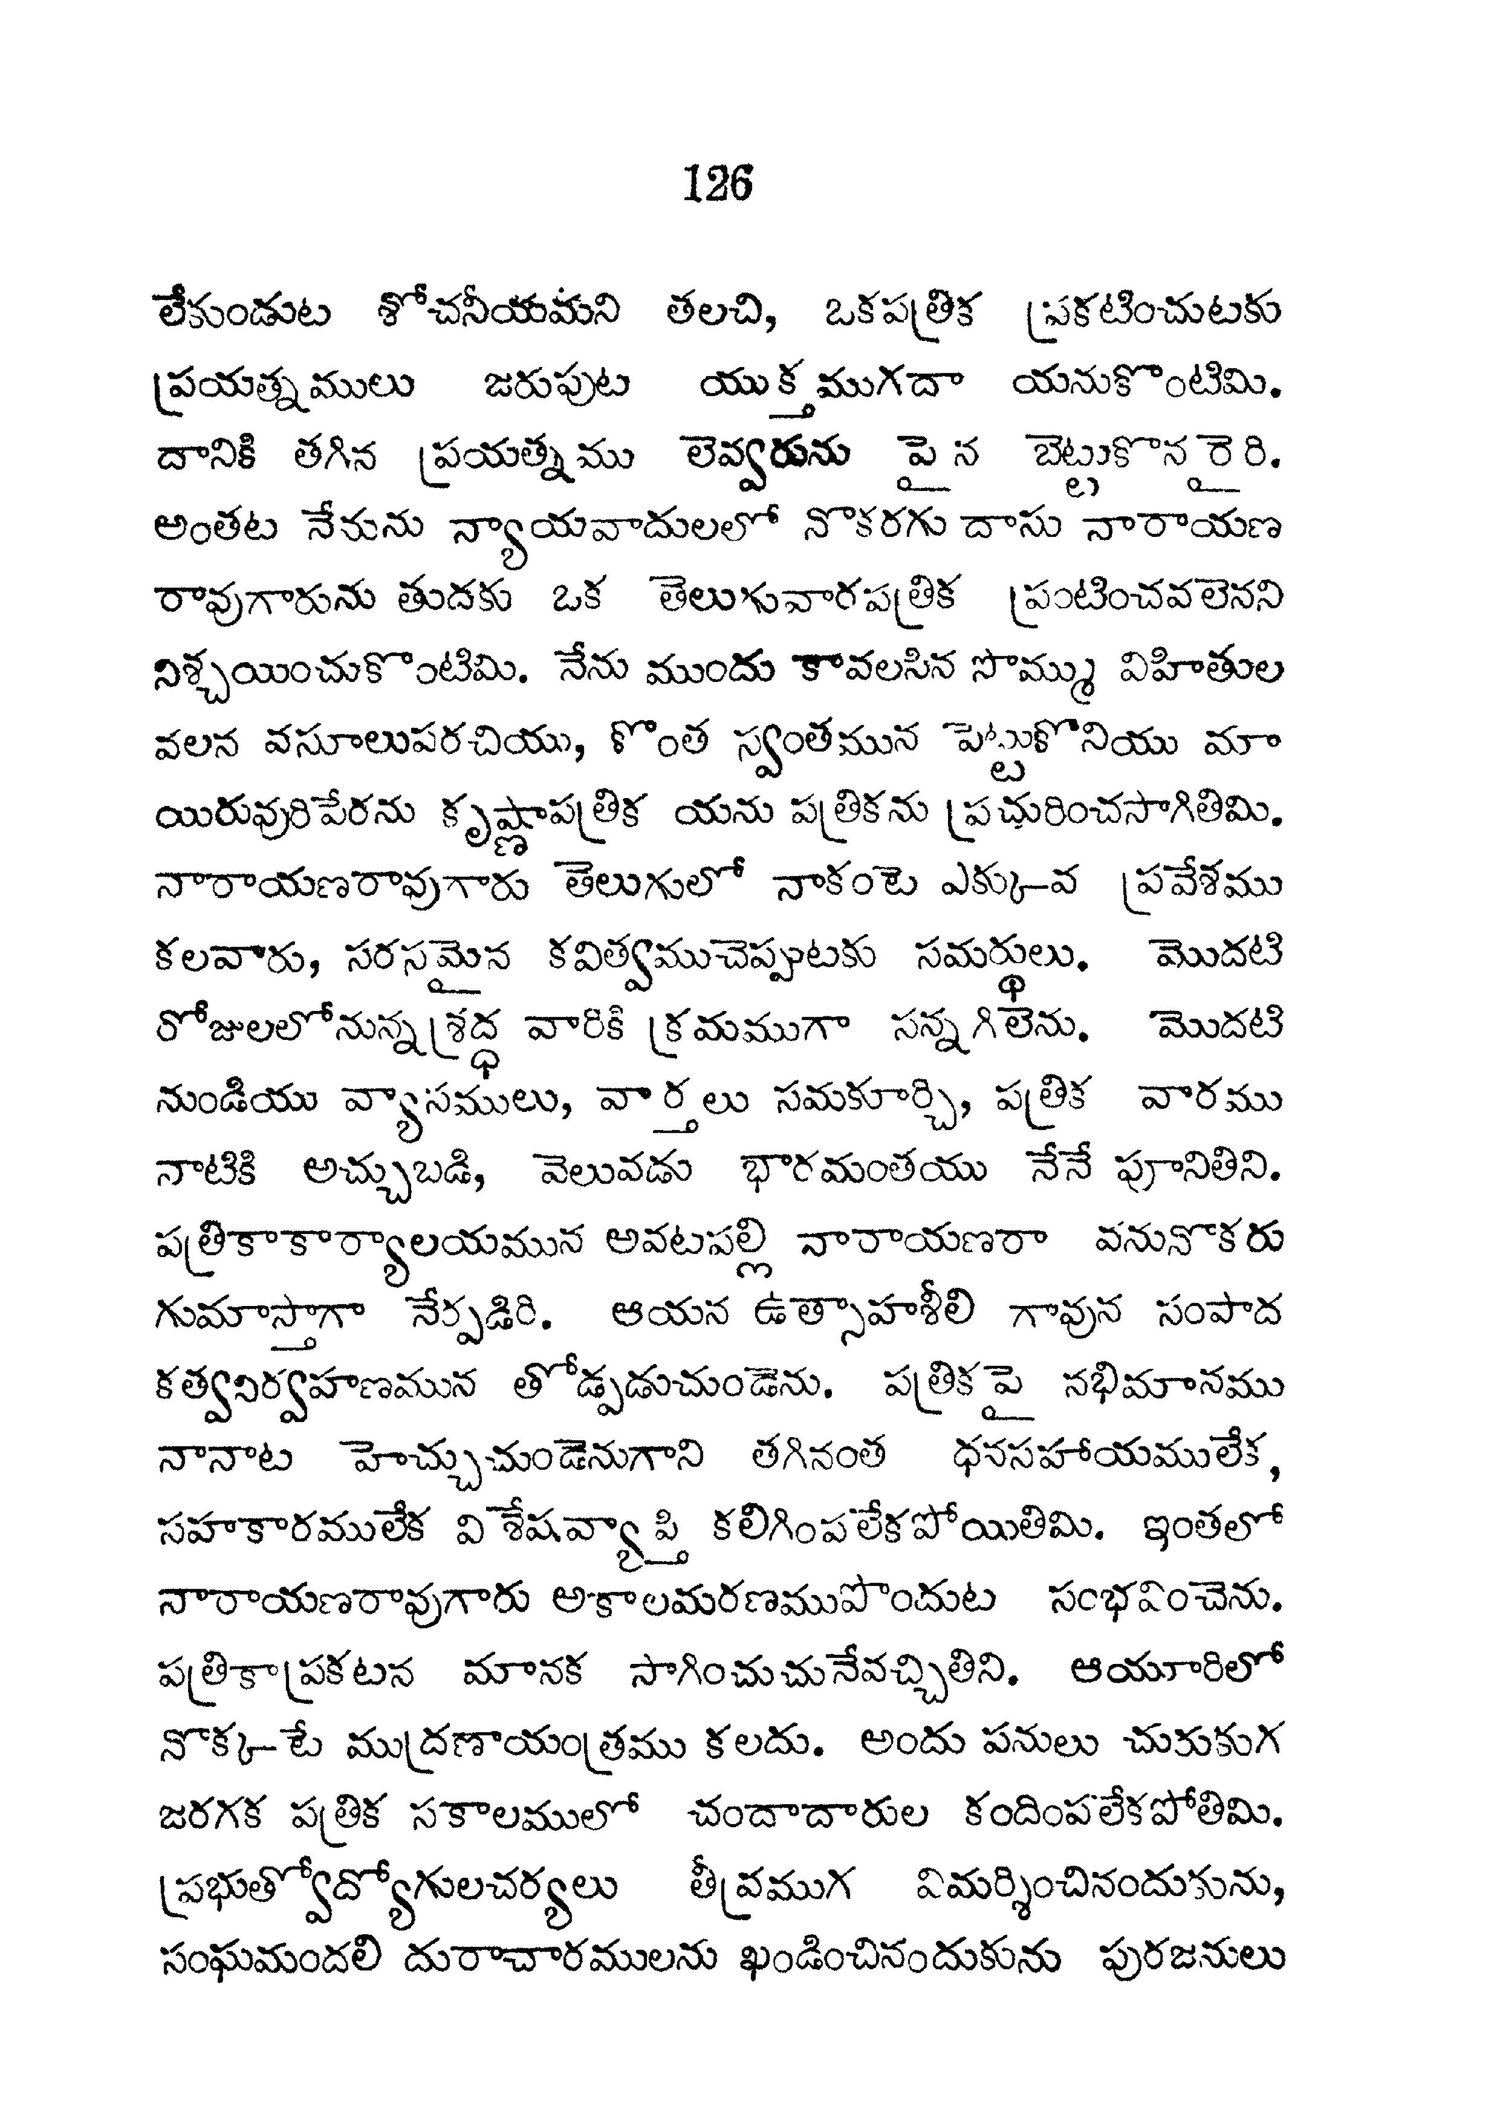లేకుండుట శోచనీయమని తలచి, ఒకపత్రిక ప్రకటించుటకు ప్రయత్నములు జరుపుట యుక్తముగదా యనుకొంటిమి. దానికి తగిన ప్రయత్నము లెవ్వరును పైన బెట్టుకొనరైరి. అంతట నేనును న్యాయవాదులలో నొకరగు దాసు నారాయణరావుగారును తుదకు ఒక తెలుగువారపత్రిక ప్రకటించవలెనని నిశ్చయించుకొంటిమి. నేను ముందు కావలసిన సొమ్ము విహితుల వలన వసూలుపరచియు, కొంత స్వంతమున పెట్టుకొనియి మా యిరువురిపేరను కృష్ణాపత్రిక యను పత్రికను ప్రచురించసాగితిమి. నారాయణరావుగారు తెలుగులో నాకంటె ఎక్కువ ప్రవేశము కలవారు, సరసమైన కవిత్వముచెప్పుటకు సమర్థులు. మొదటి రోజులలోనున్నశ్రద్ధ వారికి క్రమముగా సన్నగిల్లెను. మొదటి నుండియు వ్యాసములు, వార్తలు సమకూర్చి, పత్రిక వారము నాటికి అచ్చుబడి, వెలువడు భారమంతయు నేనే పూనితిని. పత్రికాకార్యాలయమున అవటపల్లి నారాయణరా వనునొకరు గుమాస్తాగా నేర్పడిరి. ఆయన ఉత్సాహశీలి గావున సంపాదకత్వనిర్వహణమున తోడ్పడుచుండెను. పత్రికపై నభిమానము నానాట హెచ్చుచుండెనుగాని తగినంత ధనసహాయములేక సహకారములేక విశేషవ్యాప్తి కలిగింపలేకపోయితిమి. ఇంతలో నారాయణరావుగారు అకాలమరణముపొందుట సంభవించెను. పత్రికాప్రకటన మానక సాగించుచునేవచ్చితిమి. ఆయూరిలో నొక్కటే ముద్రణాయంత్రము కలదు. అందు పనులు చురుకుగ జరగక పత్రిక సకాలములో చందాదారుల కందింపలేకపోతిమి. ప్రభుత్వోద్యోగులచర్యలు తీవ్రముగ విమర్శించినందుకును, సంఘమందలి దురాచారములను ఖండించినందుకును పురజనులు